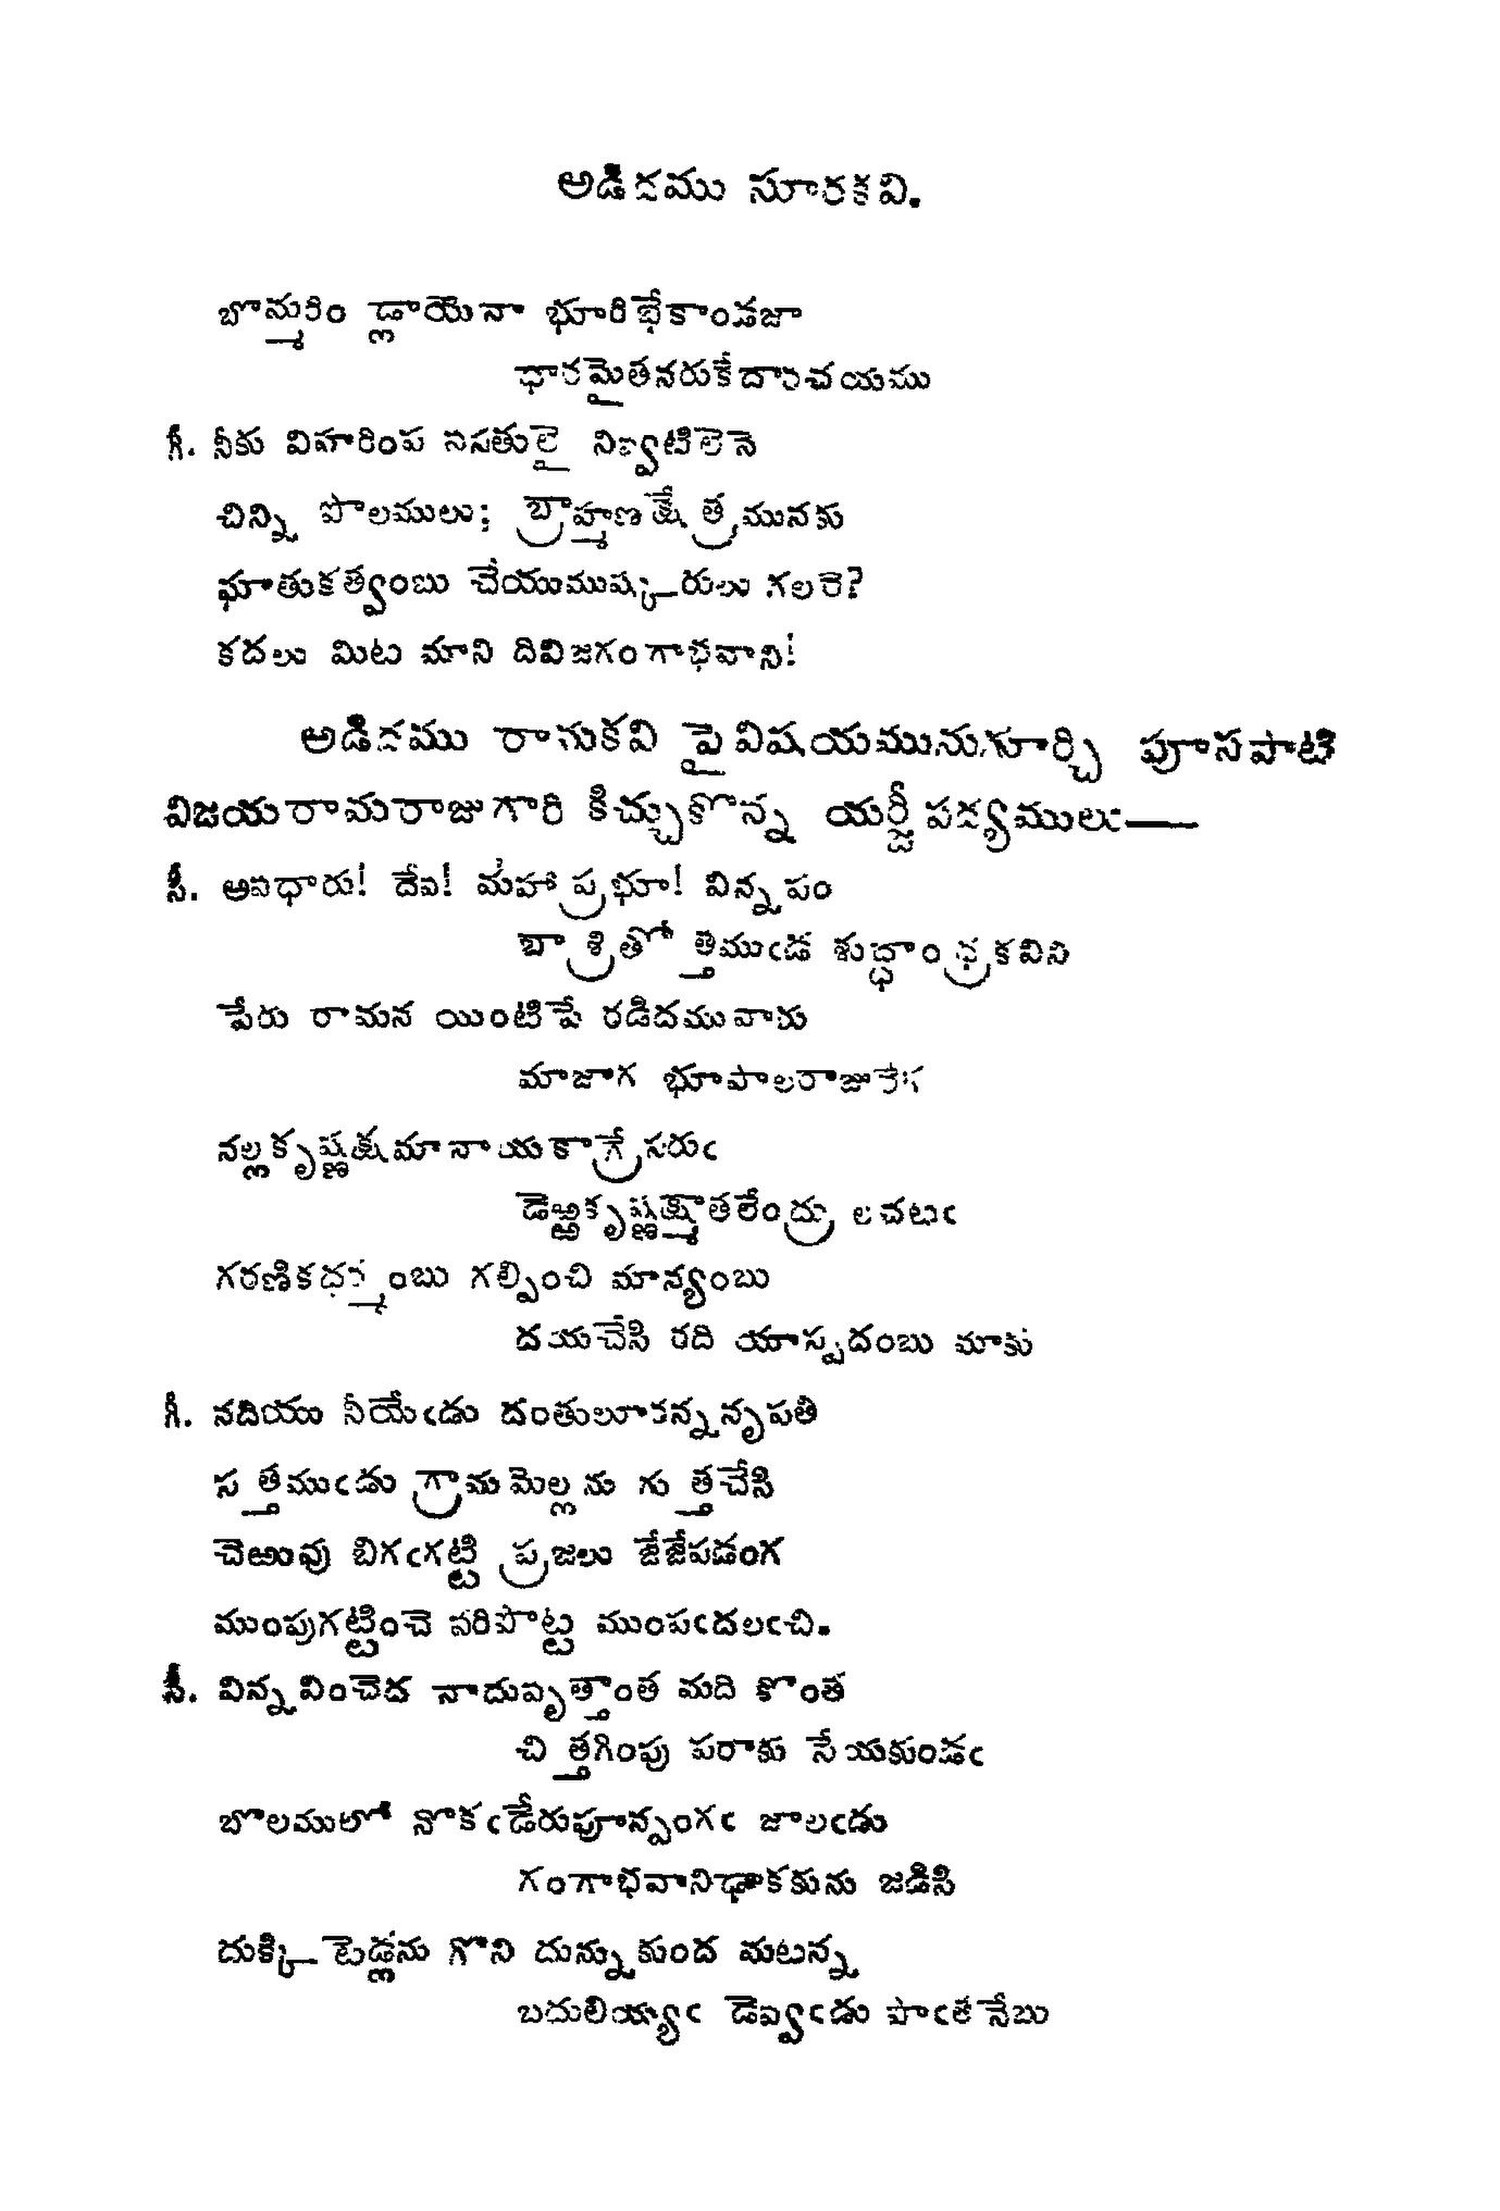బొమ్మరిం డ్లాయెనా భూరిభేకాండజా
 ధారమై తనరు కేదారచయము
గీ. నీకు విహరింప వసతులై నివ్వటిలెనె
 చిన్నపొలములు; బ్రాహ్మణక్షేత్రమునకు
 ఘాతుకత్వంబు సేయుముష్కరులు గలరె?
 కదలు మిటమాని దివిజగంగాభవాని!
అడిదము రామకవి పైవిషయమునుగూర్చి పూసపాటి విజయరామరాజుగారి కిచ్చుకొన్న యర్జీపద్యములు—
సీ. అవధారు! దేవ! మహాప్రభూ! విన్నపం
 బాశ్రితోత్తముఁడ శుద్ధాంధ్రకవిని
 పేరు రామన యింటిపే రడిదమువారు
 మాజాగ భూపాలరాజురేగ
 వల్లకృష్ణక్షమానాయకాగ్రేసరుఁ
 డెఱ్ఱకృష్ణక్ష్మాతలేంద్రు లచటఁ
 గరణికధర్మంబు గల్పించి మాన్యంబు
 దయచేసి రది యాస్పదంబు మాకు
గీ. నదియు నీయేఁడు దంతులూరన్ననృపతి
 సత్తముఁడు గ్రామమెల్లను గుత్తచేసి
 చెఱువు బిగఁగట్టి ప్రజలు జేజేపడంగ
 ముంపుగట్టించె వరిపొట్ట ముంపఁదలఁచి.
సీ. విన్నవించెద నాదువృత్తాంత మది కొంత
 చిత్తగింపు పరాకు సేయకుండఁ
 బొలములో నొకఁ డేరు పూన్పంగఁ జాలఁడు
 గంగాభవానిఢాకకును జడిసి
 దుక్కిటెడ్లను గొని దున్నుకుంద మటన్న
 బదులియ్యఁ డెవ్వఁడు పాఁతనేబు